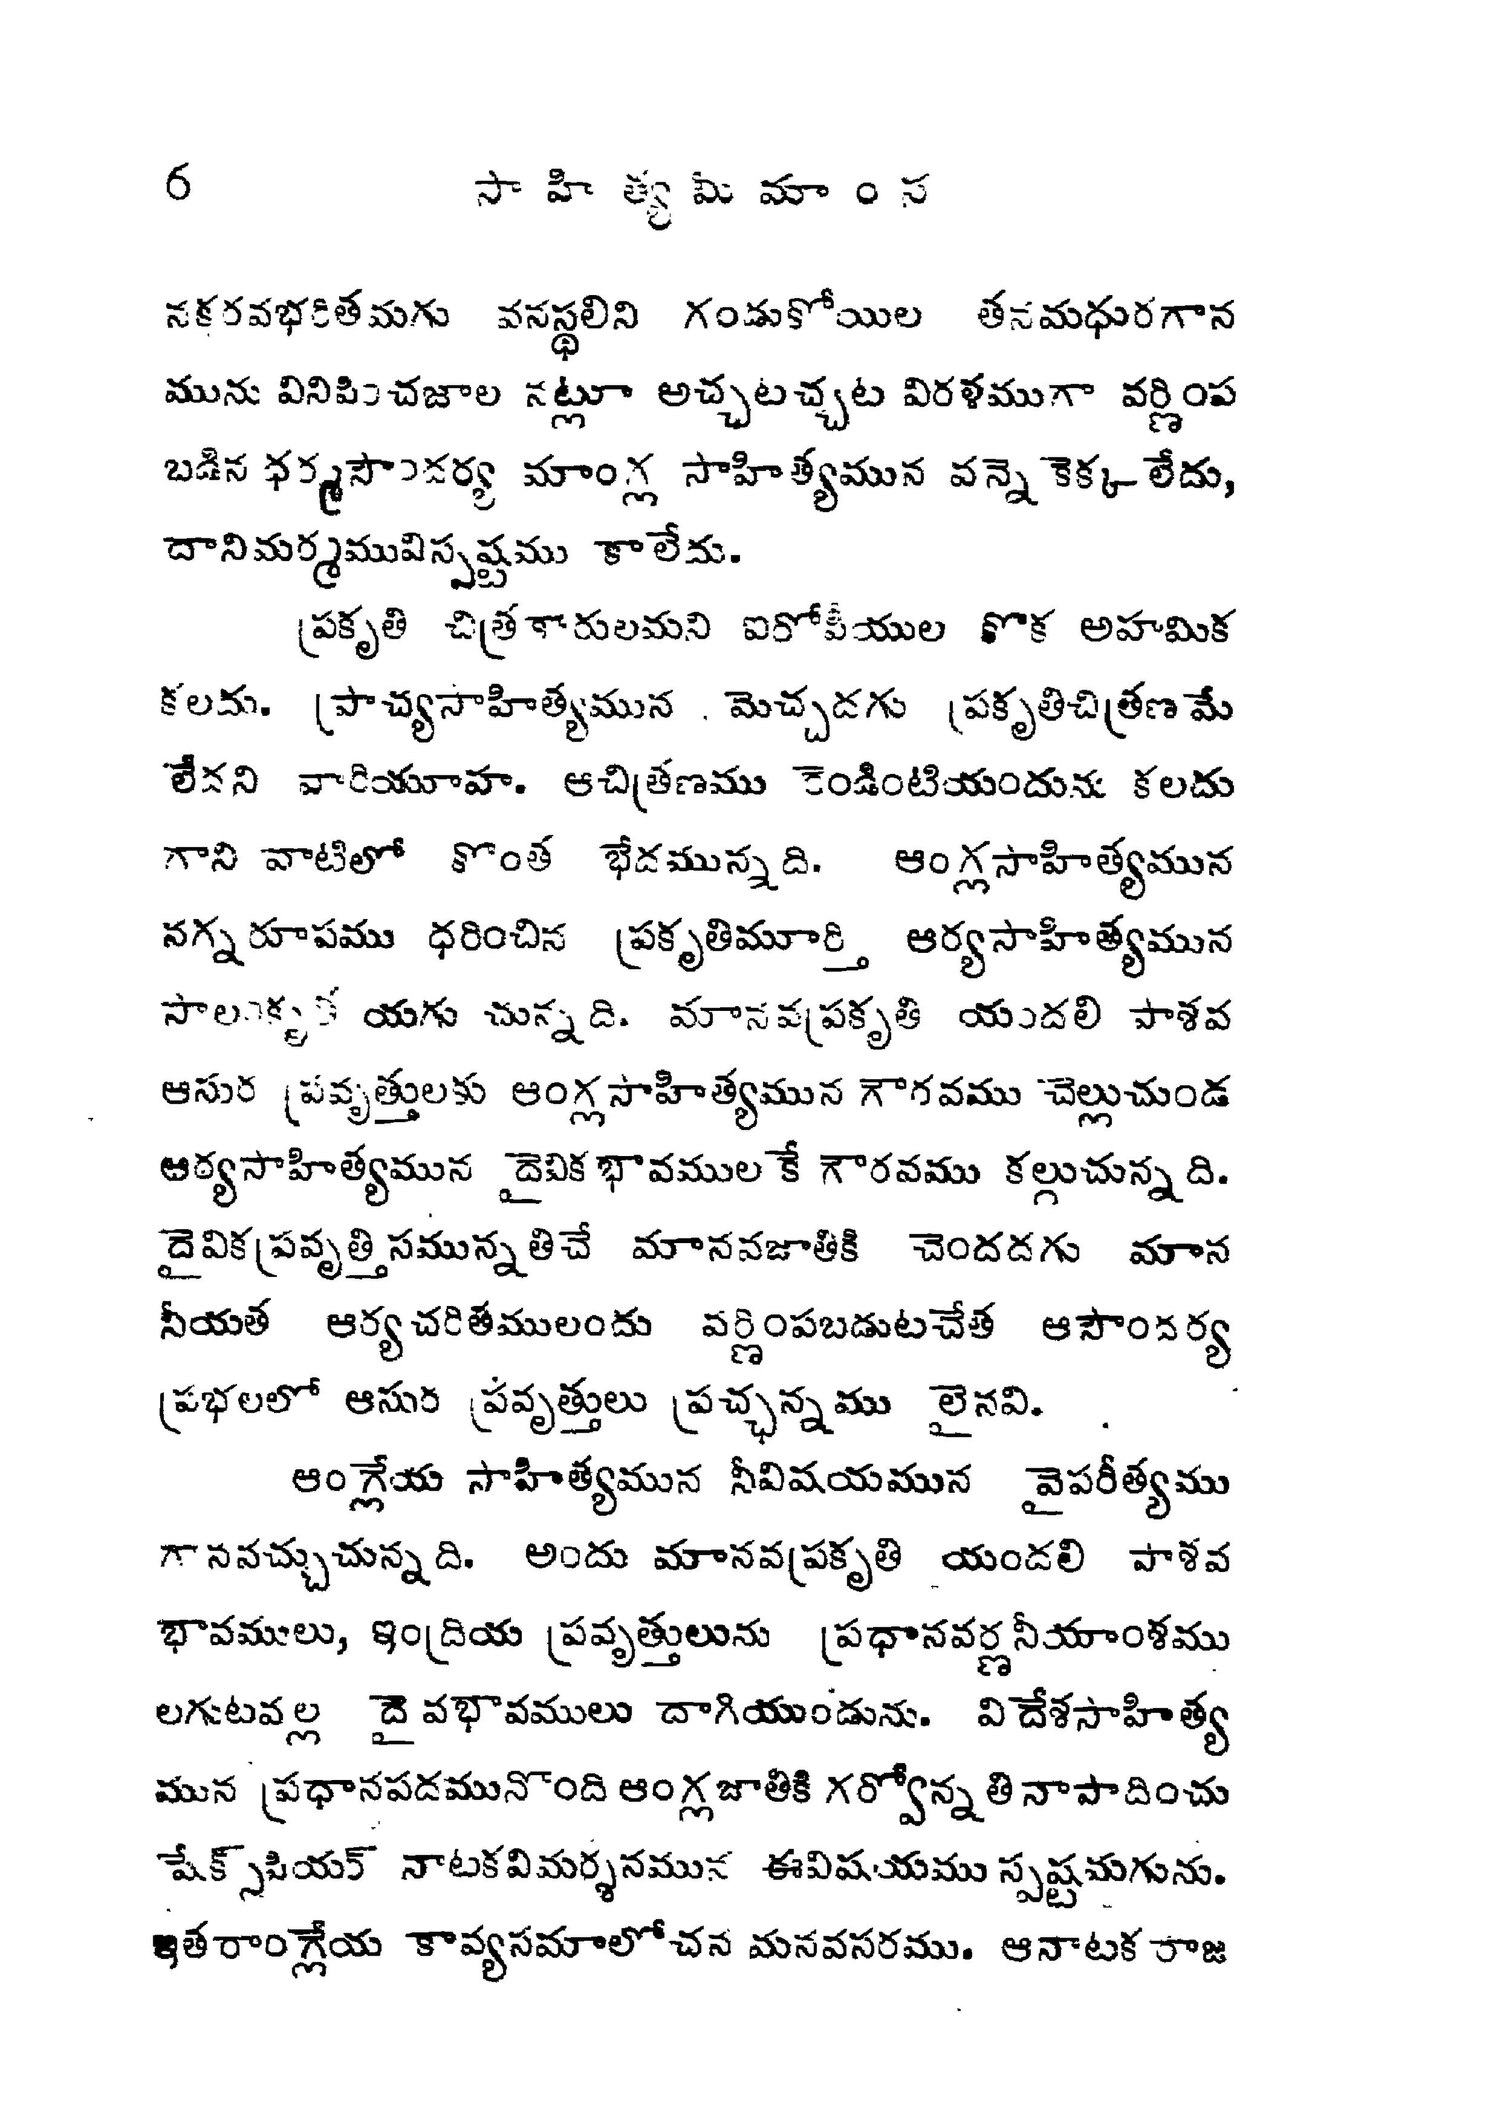నకరవభరితమగు వనస్థలిని గండుకోయిల తనమధురగానమును వినిపించజాల నట్లూ అచ్చటచ్చట విరళముగా వర్ణింపబడిన ధర్మసౌందర్య మాంగ్ల సాహిత్యమున వన్నె కెక్క లేదు, దానిమర్మమువిస్పష్టము కాలేదు.

ప్రకృతి చిత్రకారులమని ఐరోపీయుల కొక అహమిక కలదు. ప్రాచ్యసాహిత్యమున మెచ్చదగు ప్రకృతిచిత్రణమే లేదని వారియూహ. ఆచిత్రణము రెండింటియందును కలదు గాని వాటిలో కొంత భేదమున్నది. ఆంగ్లసాహిత్యమున నగ్నరూపము ధరించిన ప్రకృతిమూర్తి ఆర్యసాహిత్యమున సాలంకృత యగు చున్నది. మానవప్రకృతి యందలి పాశవ ఆసుర ప్రవృత్తులకు ఆంగ్లసాహిత్యమున గౌరవము చెల్లుచుండ ఆర్యసాహిత్యమున దైవికభావములకే గౌరవము కల్గుచున్నది. దైవికప్రవృత్తిసమున్నతిచే మానవజాతికి చెందదగు మాననీయత ఆర్యచరితములందు వర్ణింపబడుటచేత ఆసౌందర్య ప్రభలలో ఆసుర ప్రవృత్తులు ప్రచ్ఛన్నము లైనవి.

ఆంగ్లేయ సాహిత్యమున నీవిషయమున వైపరీత్యము గానవచ్చుచున్నది. అందు మానవప్రకృతి యందలి పాశవ భావములు, ఇంద్రియ ప్రవృత్తులును ప్రధానవర్ణనీయాంశము లగుటవల్ల దైవభావములు దాగియుండును. విదేశసాహిత్యమున ప్రధానపదమునొంది ఆంగ్లజాతికి గర్వోన్నతినాపాదించు షేక్స్‌పియర్ నాటకవిమర్శనమున ఈవిషయము స్పష్టమగును. ఇతరాంగ్లేయ కావ్యసమాలోచన మనవసరము. ఆనాటక రాజ